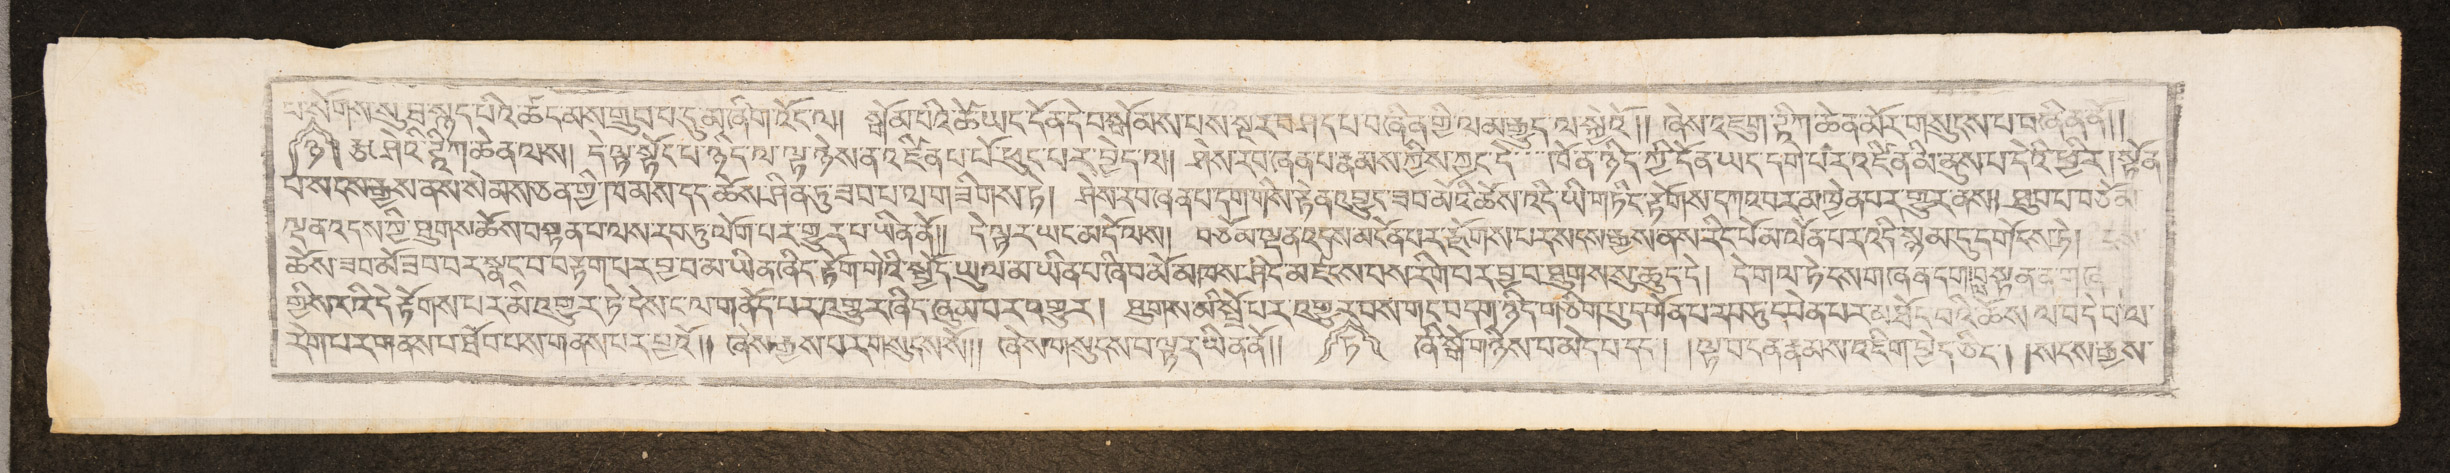པ་སོགས་སུ་ཐ་སྙད་པའི་ཚད་མས་གྲུབ་པ་དུ་མ་ཞིག་འོང་ལ། སྒོམ་པའི་ཚེ་ཡང་དོན་དེ་བསྒོམས་པས་སྔར་ཤད་པ་བཞིན་གྱིས་ལམ་རྒྱུད་ལ་སྐྱེའོ། །ཞེས་འཇུག་ཊཱིཀ་ཆེན་མོར་གསུངས་པ་བཞིན་ནོ།།
༼༽ཉ༼༽ རྩ་ཤེའི་ཊཱིཀ་ཆེན་ལས། དེ་ལྟ་སྟོང་པ་ཉིད་ལ་ལྟ་ཉེས་ན་འཛིན་པ་པོ་ཕུང་པར་བྱེད་ལ། ཤེས་རབ་ཞན་པ་རྣམས་ཀྱིས་ཀྱང་དེ་ཁོ་ན་ཉིད་ཀྱི་དོན་ཡང་དག་པར་འཛིན་མི་ནུས་པ་དེའི་ཕྱིར། སྟོན་
པ་སངས་རྒྱས་ནས་སེམས་ཅན་གྱི་ཁམས་དང་ཆོས་ཤིན་ཏུ་ཟབ་པ་ལ་གཟིགས་ཏེ། ཤེས་རབ་ཞན་པ་དག་གིས་རྟེན་འབྱུང་ཟབ་མོའི་ཆོས་འདི་ཡི་གཏིང་རྟོགས་དཀའ་བར་མཁྱེན་པར་གྱུར་ནས། ཐུག་པ་བཙོམས་
ལྡན་འདས་ཀྱི་ཐུགས་ཆོས་བསྟན་པ་ལས་རབ་ཏུ་ལོག་པར་གྱུར་པ་ཡིན་ནོ།། དེ་ལྟར་ཡང་མདོ་ལས། བཅོམ་ལྡན་འདས་མངོན་པར་རྫོགས་པར་སངས་རྒྱས་ནས་རིང་པོ་མ་ལོན་པར་འདི་སྙམ་དུ་དགོངས་ཏེ། ངས་
ཆོས་ཟབ་མོ་ཟབ་བར་སྣང་བ་བརྟག་པར་བྱ་བ་མ་ཡིན་ཞིང་རྟོག་གེའི་སྤྱོད་ཡུལ་མ་ཡིན་པ་ཞིབ་མོ་མཁས་ཤིང་མཛངས་པས་རིག་པར་བྱ་བ་ཐུགས་སུ་ཆུད་དེ། དེ་གལ་ཏེ་ངས་གཞན་དག་བླ་སྟན་ན་གཞན་
གྱིས་ངའི་དེ་རྟོགས་པར་མི་འགྱུར་ཏེ་དེས་ང་ལ་གནོད་པར་འགྱུར་ཞིང་ཞུམ་པར་འགྱུར། ཐུགས་མི་སྤྲོ་པར་འགྱུར་པས་གང་བདག་ཉིད་གཅིག་བུ་དགོན་པ་རབ་ཏུ་དབེན་པར་མཐོང་བའི་ཆོས་ལ་བདེ་བ་ལ་
རེག་པར་གནས་པ་ཐོབ་པས་གནས་པར་བྱའོ།། ཞེས་རྒྱས་པར་གསུངས་སོ།། ཞེས་གསུངས་པ་ལྟར་ཡིན་ནོ།། ༼༽ཏ༼༽ ཞི་སྒོ་གཉིས་པ་མེད་པ་དང་། །ལྟ་བ་ད་དན་རྣམས་འཇིག་བྱེད་ཅིང་། །སངས་རྒྱས་